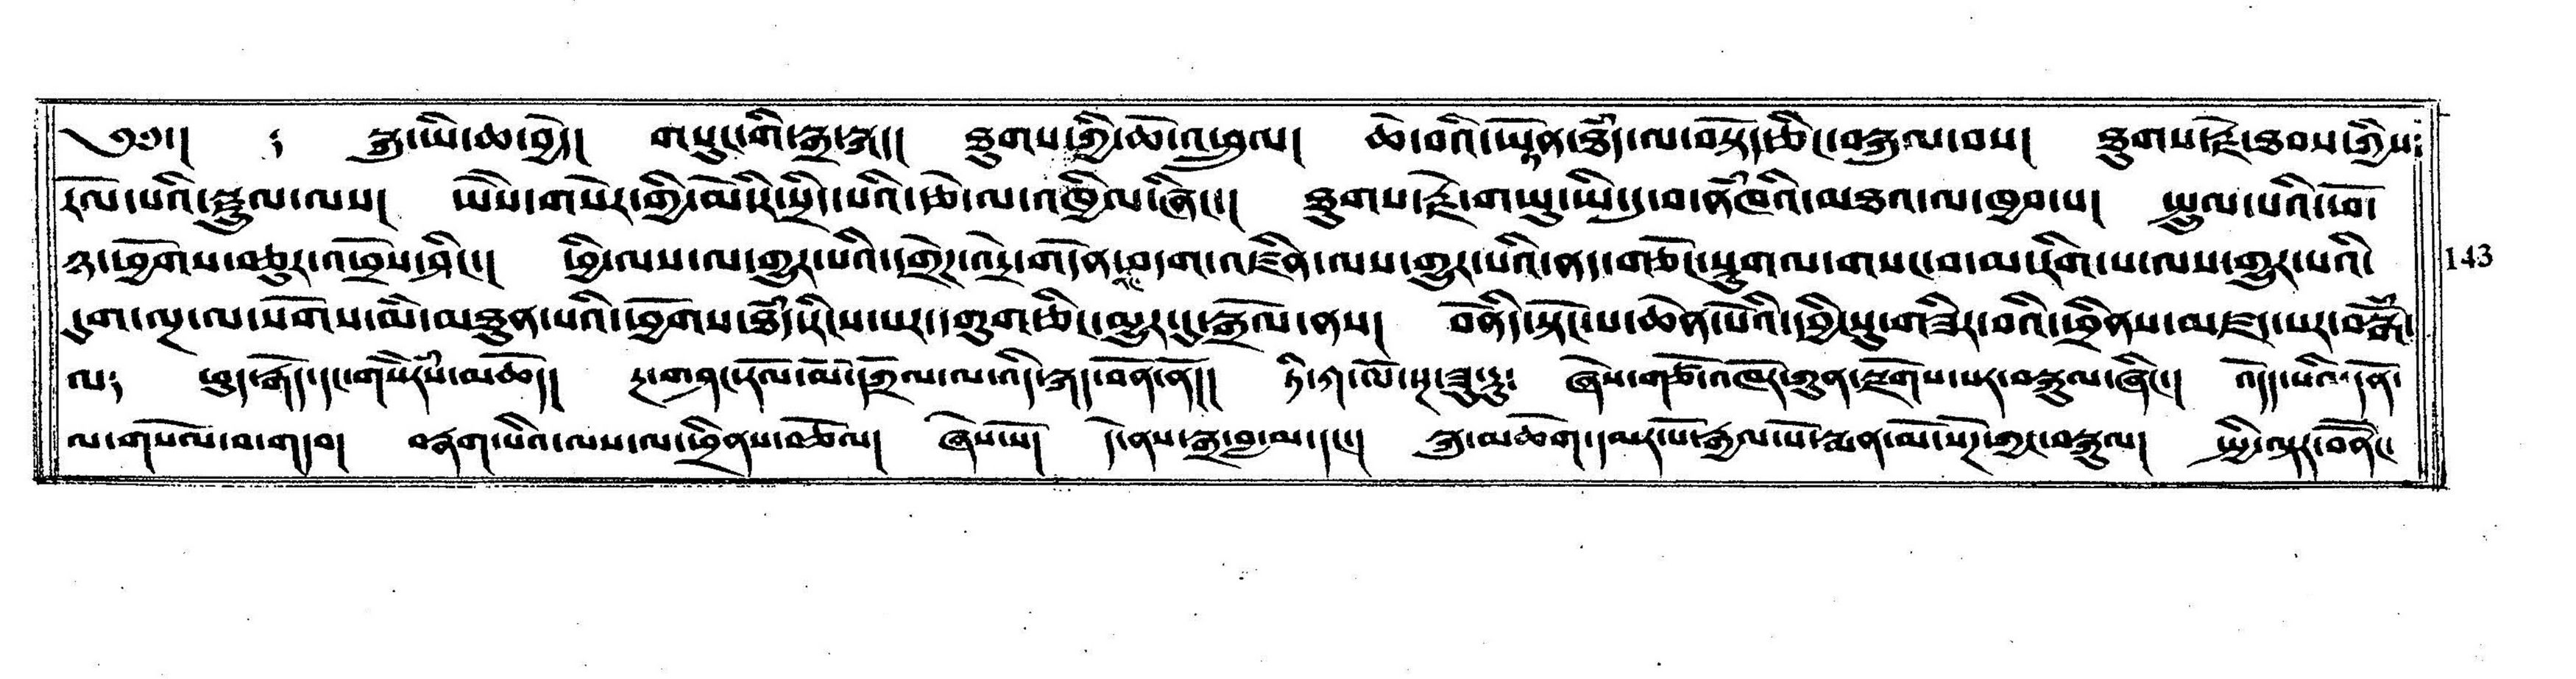སྐུ་ཡི་ཆ་བྱད། གསུང་གི་སྒྲ་སྐད། ཐུགས་ཀྱི་ཆོ་འཕྲུལ། ཆེ་བའི་ཡོན་ཏན་ཐམས་ཅད་ལ་བསྟོད་ཅིང་བསྐུལ་བས། ཐུགས་རྗེ་ཐབས་ཀྱིས་
རོལ་པའི་རྫུ་འཕྲུལ་ལས། ཡེ་ཤེས་གསེར་གྱི་མེ་རི་སྲིད་པའི་རྩེ་ལ་འཁྱིལ་ཞིང་། ཐུགས་རྗེ་གཡུ་ཡི་དུ་བ་ནམ་མཁའི་མཐའ་ལ་ཁྱབ་པ། སྤྲུལ་པའི་ཕོ་
ཉ་ཕྱོགས་བཅུར་འཕྲོས་ཤིང་། ཕྱི་ལས་ལ་གྱུར་པའི་དགྲ་བགེགས་འདྲེ་གདོན། ནང་བདག་འཛིན་ལས་གྱུར་པའི་ནད་གཅོད་སྡུག་བསྔལ། གསང་བ་མ་རིག་པ་ལས་གྱུར་པའི་
དུག་ལྔ་ལ་སོགས་པ་མི་མཐུན་པའི་ཕྱོགས་ཐམས་ཅད་རིངས་པར་དགུག་ཅིང་མྱུར་དུ་སྒྲོལ་ནས། བོན་ཉིད་སྟོང་པ་ཆེན་པོའི་དབྱིངས་སུ་གཟིར་བའི་ཕྲིན་ལས་མཛད་པར་བསྒོམ་
ལ། ཕུད་རྒོད་དང་གསེར་སྐྱེམས་མཆོད།། རྔ་གཤང་རོལ་མོ་དཀྲོལ་ལ་འདི་སྐད་བོན་ནོ།། ཏི་ཀ་ལོ་སྔ་ཟུ་རུ༴ ཞེས་གཙོ་འཁོར་ཀུན་རྫོགས་པར་བསྐུལ་ཞིང་། འདོད་པའི་དོན་
ལ་གསོལ་བ་གདབ། བརྣག་པའི་ལས་ལ་ཕྲིན་ལས་བཅོལ། ཞེས་སོ། དེ་ནས་སྒྲ་བླ་མ་དང་། སྐུ་མཆོག་དམར་པོ་རྒྱལ་པོ་སྨན་མོ་སོགས་ཀྱང་བསྐུལ། སྤྱི་ལྟར་བོན་སྐྱོང་